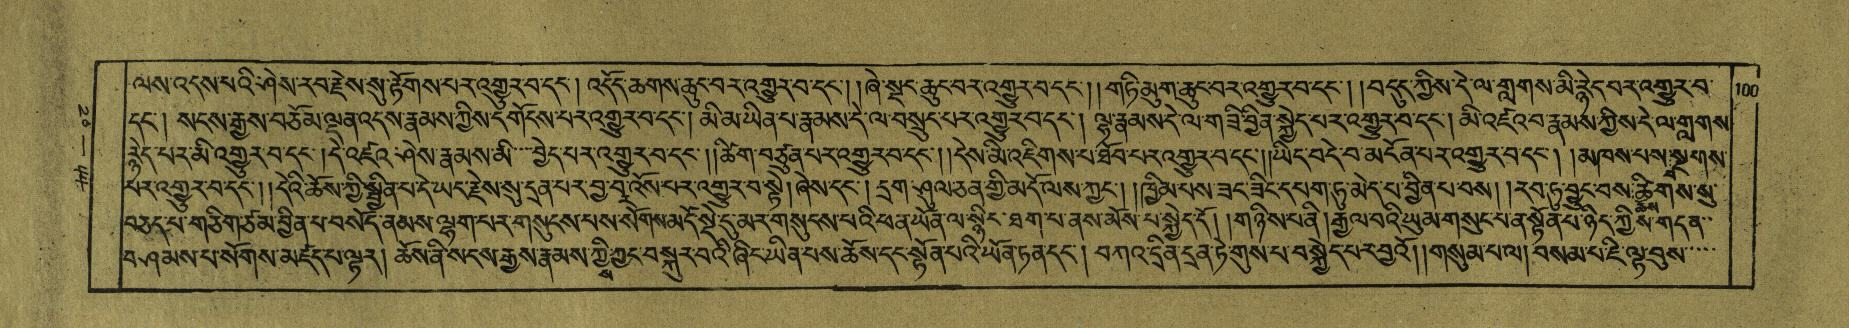ལས་འདས་པའི་ཤེས་རབ་རྗེས་སུ་རྟོགས་པར་འགྱུར་བ་དང་། འདོད་ཆགས་ཆུང་བར་འགྱུར་བ་དང་། །ཞེས་སྡང་ཆུང་བར་འགྱུར་བ་དང་། །གཏི་མུག་ཆུང་བར་འགྱུར་བ་དང་། །བདུད་ཀྱིས་དེ་ལ་གླགས་མི་རྙེད་བར་འགྱུར་བ་
དང་། སངས་རྒྱས་བཅོམ་ལྡན་འདས་རྣམས་ཀྱིས་དགོངས་པར་འགྱུར་བ་དང་། མི་མ་ཡིན་པ་རྣམས་དེ་ལ་བསྲུང་པར་འགྱུར་བ་དང་། ལྷ་རྣམས་དེ་ལ་གཟི་བྱིན་སྐྱེད་པར་འགྱུར་བ་དང་། མི་འཛའ་བ་རྣམས་ཀྱིས་དེ་ལ་གླགས་
རྙེད་པར་མི་འགྱུར་བ་དང་། དེ་འཛའ་ཤེས་རྣམས་མི་བྱེད་པར་འགྱུར་བ་དང་། །ཚིག་བཙུན་པར་འགྱུར་བ་དང་། །དེས་མི་འཇིགས་པ་ཐོབ་པར་འགྱུར་བ་དང་། །ཡིད་བདེ་བ་མངོན་པར་འགྱུར་བ་དང་། །མཁས་པས་བ་སྔགས་
པར་འགྱུར་བ་དང་། །དེའི་ཆོས་ཀྱི་སྦྱིན་པ་དེ་ཡང་རྗེས་སུ་དྲན་པར་བྱ་བར་འོས་པར་འགྱུར་བ་སྟེ། ཞེས་དང་། དྲག་ཤུལ་ཅན་གྱི་མདོ་ལས་ཀྱང་། །ཁྱིམ་པས་ཟང་ཟིང་དཔག་ཏུ་མེད་པ་བྱིན་པ་བས། །རབ་ཏུ་བྱུང་བས་ཆོས་ཚིགས་སུ་
བཅད་པ་གཅིག་ཙམ་བྱིན་པ་བསོད་ནམས་ལྷག་པར་གསུངས་པས་སོགས་མདོ་སྡེ་དུ་མར་གསུངས་པའི་ཕན་ཡོན་ལ་སྙིང་ཐག་པ་ནས་མོས་པ་སྐྱེད་དོ། །གཉིས་པ་ནི། རྒྱལ་བའི་ཡུམ་གསུང་པ་ན་སྟོན་པ་ཉིད་ཀྱིས་གདན་
བཤམས་པ་སོགས་མཛད་པ་ལྟར། ཆོས་ནི་སངས་རྒྱས་རྣམས་ཀྱིས་ཀྱང་བསྐུར་བའི་ཞིང་ཡིན་པས་ཆོས་དང་སྟོན་པའི་ཡོན་ཏན་དང་། བཀའ་དྲིན་དྲན་ཏེ་གུས་པ་བསྐྱེད་པར་བྱའོ། །གསུམ་པ་ལ། བསམ་པ་ཇི་ལྟ་བུས་